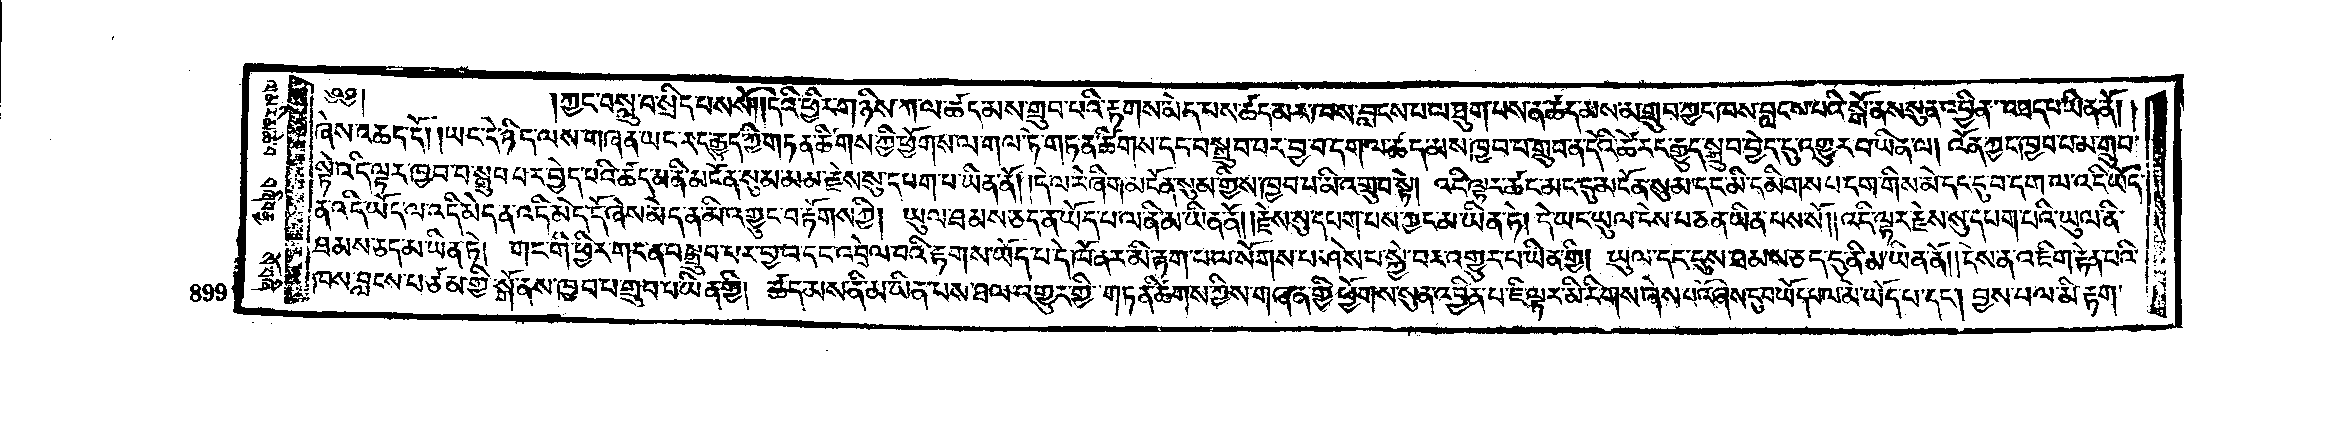༄༅། །ཀྱང་བསླུ་བ་སྲིད་པས་སོ། །དེའི་ཕྱིར་གཉིས་ཀ་ལ་ཚད་མས་གྲུབ་པའི་རྟགས་མེད་པས་ཚད་མར་ཁས་བླངས་པ་ལ་ཐུག་པས་ན་ཚད་མས་མ་གྲུབ་ཀྱང་ཁས་བླངས་པའི་སྒོ་ནས་སུན་འབྱིན་འཐད་པ་ཡིན་ནོ། །
ཞེས་འཆད་དོ། །ཡང་དེ་ཉིད་ལས་གཞན་ཡང་རང་རྒྱུད་ཀྱི་གཏན་ཚིགས་ཀྱི་ཕྱོགས་ལ་གལ་ཏེ་གཏན་ཚིགས་དང་བསྒྲུབ་པར་བྱ་བ་དག་ལ་ཚེད་མས་ཁྱབ་པ་གྲུབ་ན་དེའི་ཚེ་རང་རྒྱུད་སྒྲུབ་བྱེད་དུ་འགྱུར་བ་ཡིན་ལ། འོན་ཀྱང་ཁྱབ་པ་མ་གྲུབ་
སྟེ་འདི་ལྟར་ཁྱབ་པ་སྒྲུབ་བར་བྱེད་པའི་ཚད་མ་ནི་མངོན་སུམ་མམ་རྗེས་སུ་དཔག་པ་ཡིན་ནོ། །དེ་ལ་རེ་ཞིག་མངོན་སུམ་གྱིས་ཁྱབ་པ་མི་འགྲུབ་སྟེ། འདི་ལྟར་ཚང་མང་དུ་མངོན་སུམ་དང་མི་དམིགས་པ་དག་གིས་མེ་དང་དུ་བ་དག་ལ་འདི་ཡོད་
ན་འདི་ཡོད་ལ་འདི་མེད་ན་འདི་མེད་དོ་ཞེས་མེད་ན་མི་འབྱུང་བ་རྟོགས་ཀྱི། ཡུལ་ཐམས་ཅད་ན་ཡོད་པ་ལ་ནི་མ་ཡིན་ནོ། །རྗེས་སུ་དཔག་པས་ཀྱང་མ་ཡིན་ཏེ། དེ་ཡང་ཡུལ་ངེས་པ་ཅན་ཡིན་པས་སོ། །འདི་ལྟར་རྗེས་སུ་དཔག་པའི་ཡུལ་ནི་
ཐམས་ཅད་མ་ཡིན་ཏེ། གང་གི་ཕྱིར་གང་ན་བསྒྲུབ་པར་བྱ་བ་དང་འབྲེལ་བའི་རྟགས་ཡོད་པ་དེ་ཁོ་ནར་མི་རྟག་པ་ལ་སོགས་པ་ཤེས་པ་སྐྱེ་བར་འགྱུར་བ་ཡིན་གྱི། ཡུལ་དང་དུས་ཐམས་ཅད་དུ་ནི་མ་ཡིན་ནོ། །དེས་ན་འཇིག་རྟེན་པའི་
ཁས་བླངས་པ་ཙམ་གྱི་སྒོ་ནས་ཁྱབ་པ་གྲུབ་པ་ཡིན་གྱི། ཚད་མས་ནི་མ་ཡིན་པས་ཐལ་འགྱུར་གྱི་གཏན་ཚིགས་ཀྱིས་གཞན་གྱི་ཕྱོགས་སུན་འབྱིན་པ་ཇི་ལྟར་མི་རིགས་ཞེས་པའོ་ཞེས་དུ་བ་ཡོད་པ་ལ་མེ་ཡོད་པ་དང་། བྱས་པ་ལ་མི་རྟག་